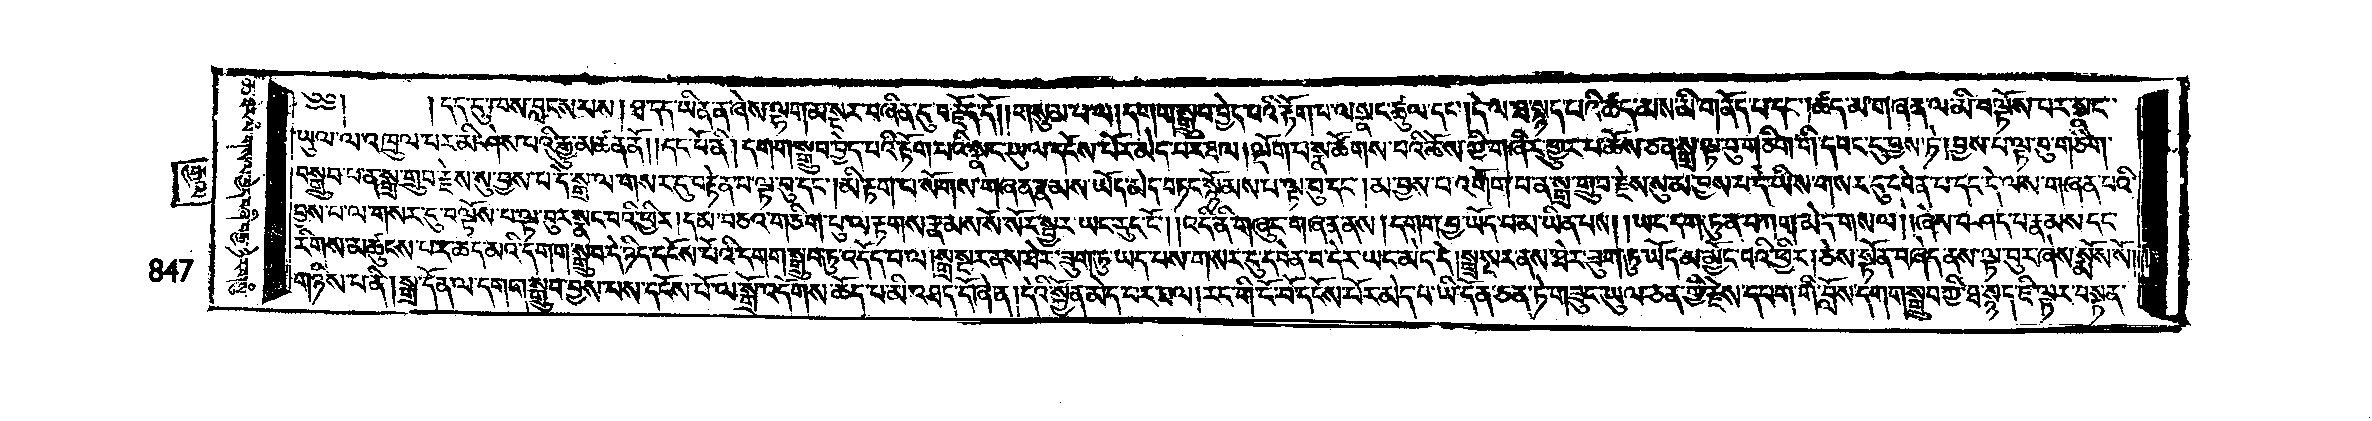༄༅། །དད་དུ་ཁས་བླངས་པས། ཐ་དད་ཡིན་ན་ཞེས་ལྷག་མ་སྔར་བཞིན་དུ་བརྗོད་དོ། །གསུམ་པ་ལ། དགག་སྒྲུབ་བྱེད་པའི་རྟོག་པ་ལ་སྣང་ཚུལ་དང་། དེ་ལ་ཐ་སྙད་པའི་ཚད་མས་མི་གནོད་པ་དང་། ཚད་མ་གཞན་ལ་མི་བལྟོས་པར་སྣང་
ཡུལ་ལ་འཁྲུལ་པར་མི་ཤེས་པའི་རྒྱུ་མཚན་ནོ། །དང་པོ་ནི། དགག་སྒྲུབ་བྱེད་པའི་རྟོག་པའི་སྣང་ཡུལ་དངོས་པོར་མེད་པར་ཐལ། ལྡོག་པ་སྣ་ཚོགས་པའི་ཆོས་ཀྱི་གཞིར་གྱུར་པ་ཆོས་ཅན་སྒྲ་ལྟ་བུ་གཅིག་གི་དབང་དུ་བྱས་ཏེ། བྱས་པ་ལྟ་བུ་གཅིག་
བསྒྲུབ་པ་ན་སྒྲ་གྲུབ་རྗེས་སུ་བྱས་པ་དེ་སྒྲ་ལ་གསར་དུ་བརྟེན་པ་ལྟ་བུ་དང་། མི་རྟག་པ་སོགས་གཞན་རྣམས་ཡོད་མེད་བཏང་སྙོམས་པ་ལྟ་བུ་དང་། མ་བྱས་པ་འགོག་པ་ན་སྒྲ་གྲུབ་རྗེས་སུ་མ་བྱས་པ་དེ་ཡིས་གསར་དུ་དབེན་པ་དང་དེ་ལས་གཞན་པའི་
བྱས་པ་ལ་གསར་དུ་བལྟོས་པ་ལྟ་བུར་སྣང་བའི་ཕྱིར། དམ་བཅའ་གཅིག་པུ་ལ་རྟགས་རྣམས་སོ་སོར་སྦྱར་ཡང་རུང་ངོ། །འདི་ནི་གཞུང་གཞན་ནས། དགག་བྱ་ཡོད་པ་མ་ཡིན་པས། །ཡང་དག་ཏུ་ན་བཀག་མེད་གསལ། །ཞེས་བཤད་པ་རྣམས་དང་
རིགས་མཚུངས་པར་ཆད་མའི་དགག་སྒྲུབ་དེ་ཉིད་དངོས་པོའི་དགག་སྒྲུབ་ཏུ་འདོད་པ་ལ། སྒྲ་སྔར་ནས་ཐེར་ཟུག་ཏུ་ཡོད་པས་གསར་དུ་དབེན་བ་དེར་ཡང་མེད་དེ། སྒྲ་སྔར་ནས་ཐེར་ཟུག་ཏུ་ཡོད་མ་མྱོང་བའི་ཕྱིར། ཅེས་སྟོན་བཞེད་ནས་ལྟ་བུར་ཞེས་སྨོས་སོ།།
གཉིས་པ་ནི། སྒྲ་དོན་ལ་དགག་སྒྲུབ་བྱས་པས་དངོས་པོ་ལ་སྒྲོ་འདོགས་ཆོད་པ་མི་འཐད་དོ་ཞེ་ན། དེའི་སྐྱོན་མེད་པར་ཐལ། རང་གི་ངོ་བོ་དངོས་པོར་མེད་པ་ཡི་དོན་ཅན་ཏེ་གཟུང་ཡུལ་ཅན་གྱི་རྗེས་དཔག་གི་བློས་དགག་སྒྲུབ་ཀྱི་ཐ་སྙད་ཇི་ལྟར་བསྟན་